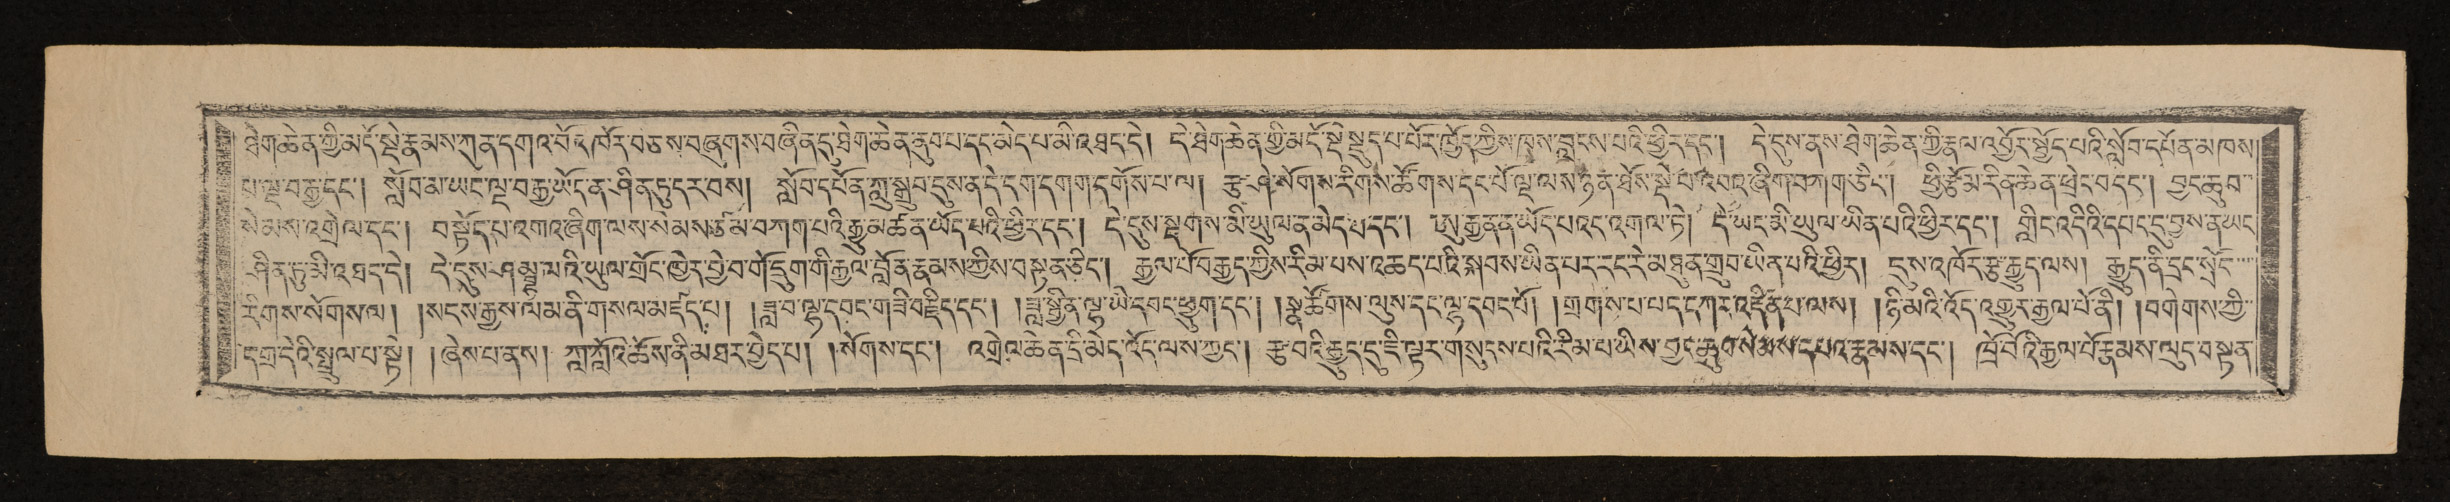ཐེག་ཆེན་གྱི་མདོ་སྡེ་རྣམས་ཀུན་དགའ་བོ་འཁོར་བཅས་བཞུགས་བཞིན་དུ་ཐེག་ཆེན་ནུབ་པ་དང་མེད་པ་མི་འཐད་དེ། དེ་ཐེག་ཆེན་གྱི་མདོ་སྡེ་སྡུད་པ་པོར་ཁྱོད་ཀྱིས་ཁས་བླངས་པའི་ཕྱིར་དང་། དེ་དུས་ནས་ཐེག་ཆེན་གྱི་རྣལ་འབྱོར་སྤྱོད་པའི་སློབ་དཔོན་མཁས་
པ་ལྔ་བརྒྱ་དང་། སློབ་མ་ཡང་ལྔ་བརྒྱ་ཡོད་ན་ཤིན་ཏུ་དར་བས། སློབ་དཔོན་ཀླུ་སྒྲུབ་དུས་ན་དེ་དག་དགག་དགོས་པ་ལ། རྩ་ཤེ་སོགས་རིགས་ཚོགས་དང་པོ་ལྔ་ལས་ཉན་ཐོས་སྡེ་པ་འབའ་ཞིག་བཀག་ཅིང་། ཕྱི་རྩོམ་རིན་ཆེན་ཕྲེང་བ་དང་། བྱང་ཆུབ་
སེམས་འགྲེལ་དང་། བསྟོད་པ་འགའ་ཞིག་ལས་སེམས་ཙམ་བཀག་པའི་རྒྱུ་མཚན་ཡོད་པའི་ཕྱིར་དང་། དེ་དུས་སྔགས་མི་ཡུལ་ན་མེད་པ་དང་། ཨུ་རྒྱན་ན་ཡོད་པའང་འགལ་ཏེ། དེ་ཡང་མི་ཡུལ་ཡིན་པའི་ཕྱིར་དང་། གླིང་འདིའི་དབང་དུ་བྱས་ན་ཡང་
ཤིན་ཏུ་མི་འཐད་དེ། དེ་དུས་ཤམྦྷ་ལའི་ཡུལ་གྲོང་ཁྱེར་བྱེ་བ་གོ་དྲུག་གི་རྒྱལ་བློན་རྣམས་ཀྱིས་བསྟན་ཅིང་། རྒྱལ་པོ་བརྒྱད་ཀྱིས་རིམ་བས་འཆད་པའི་སྐབས་ཡིན་པར་རང་རེ་མཐུན་གྲུབ་ཡིན་པའི་ཕྱིར། དུས་འཁོར་རྩ་རྒྱུད་ལས། རྒྱུད་ནི་དྲང་སྲོང་
རིགས་སོགས་ལ། །སངས་རྒྱས་ལམ་ནི་གསལ་མཛད་པ། །ཟླ་བ་ལྷ་དབང་གཟི་བརྗིད་དང་། །ཟླ་སྦྱིན་ལྷ་ཡི་དབང་ཕྱུག་དང་། །སྣ་ཚོགས་ལུས་དང་ལྷ་དབང་པོ། །གྲགས་པ་པད་དཀར་འཛིན་པ་ལས། །ཉི་མའི་འོད་འགྱུར་རྒྱལ་པོ་ནི། །བགེགས་ཀྱི་
དགྲ་དེའི་སྤྲུལ་པ་སྟེ། །ཞེས་པ་ནས། ཀླ་ཀློའི་ཆོས་ནི་མཐར་བྱེད་པ། །སོགས་དང་། འགྲེལ་ཆེན་དྲི་མེད་འོད་ལས་ཀྱང་། རྩ་བའི་རྒྱུད་དུ་ཇི་ལྟར་གསུངས་པའི་རིམ་པ་ཡིས་བྱང་ཆུབ་སེམས་དཔའ་རྣམས་དང་། ཁྲོ་བོའི་རྒྱལ་པོ་རྣམས་ལུང་བསྟན་